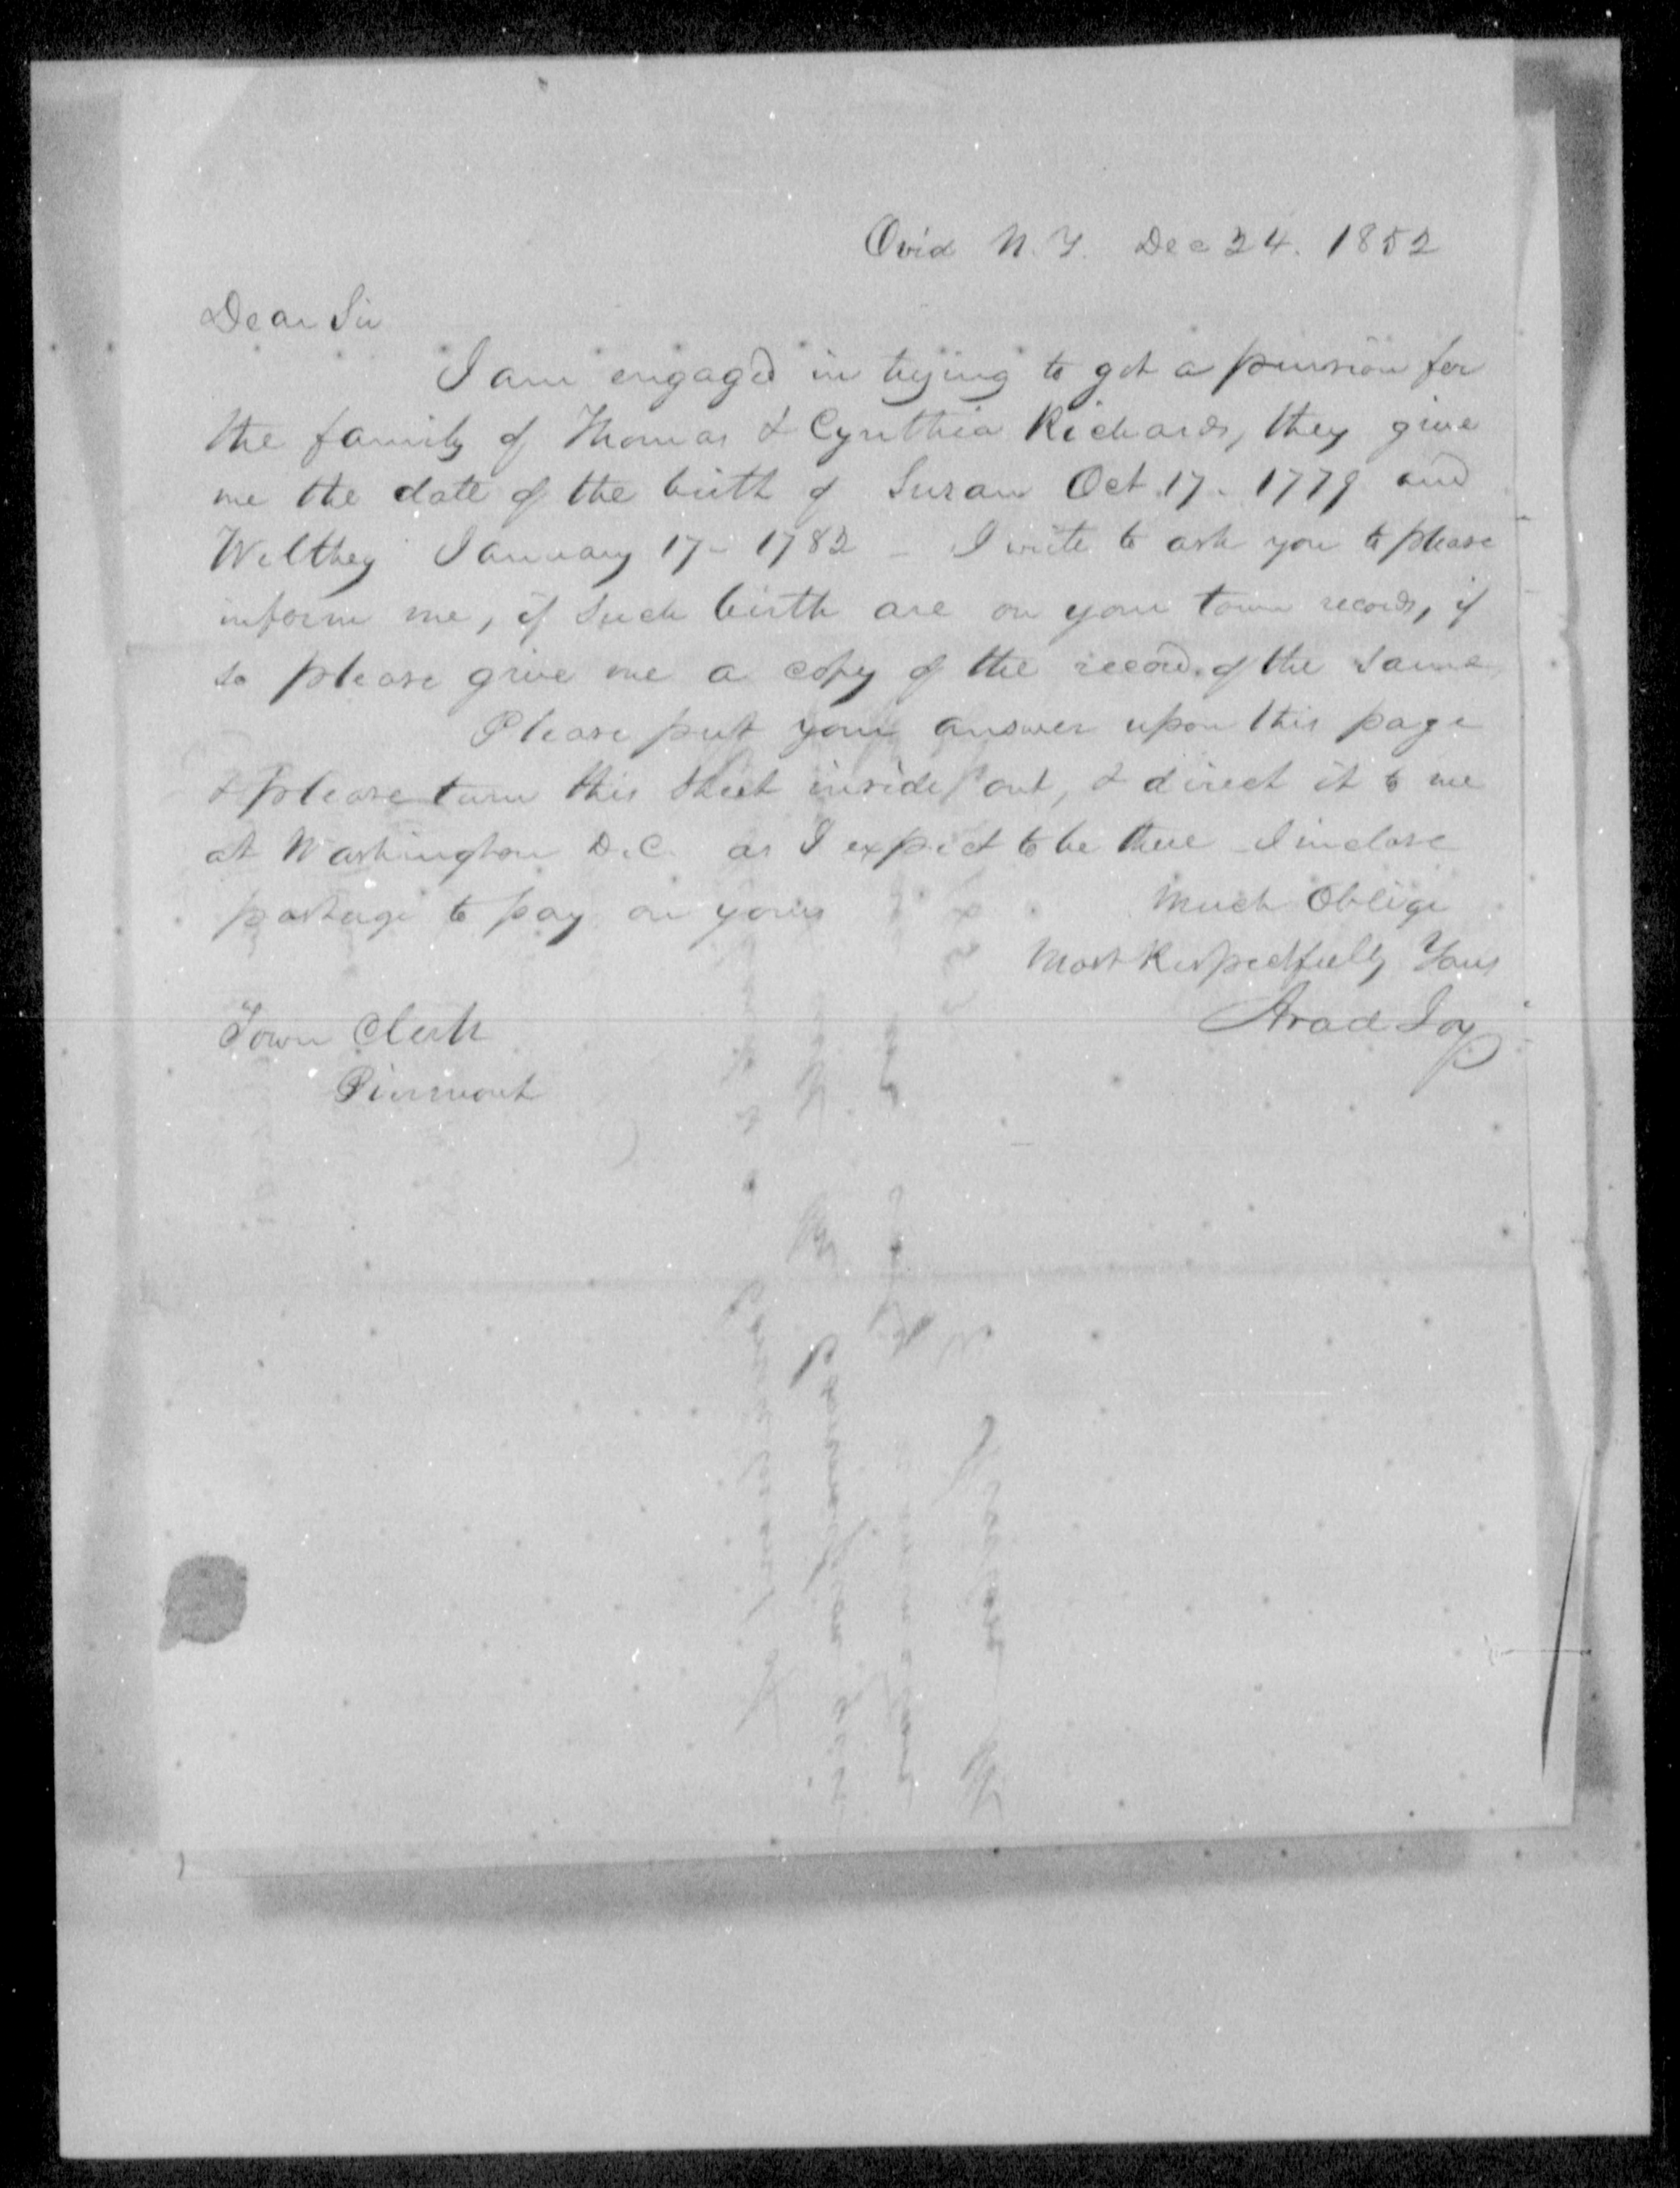Ovid N.Y. Dec 24 1852
Dear Sir
I am engaged in trying to get a pension for
the family of Thomas & Cynthia Richards, they give me the date of the birth of Susan Oct 17 - 1779 and Welthy January 17, 1782. I write to ask you to please inform me, if such births are on your town records, if so please give me a copy of the record of the same
Please put your answer upon this page & please return this sheet inside out, & direct it to me at Washington D.C. as I expect to be there - I inclose [ENCLOSE] postage to pay on yours
Much oblige
Most Respectfully Yours
Arad Joy

Town Clerk
Piermont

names: Thomas Richards; Cynthia Richards; Arad Joy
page: 58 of 109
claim: widow's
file: W. 5709, for Thomas Richards, New Hampshire